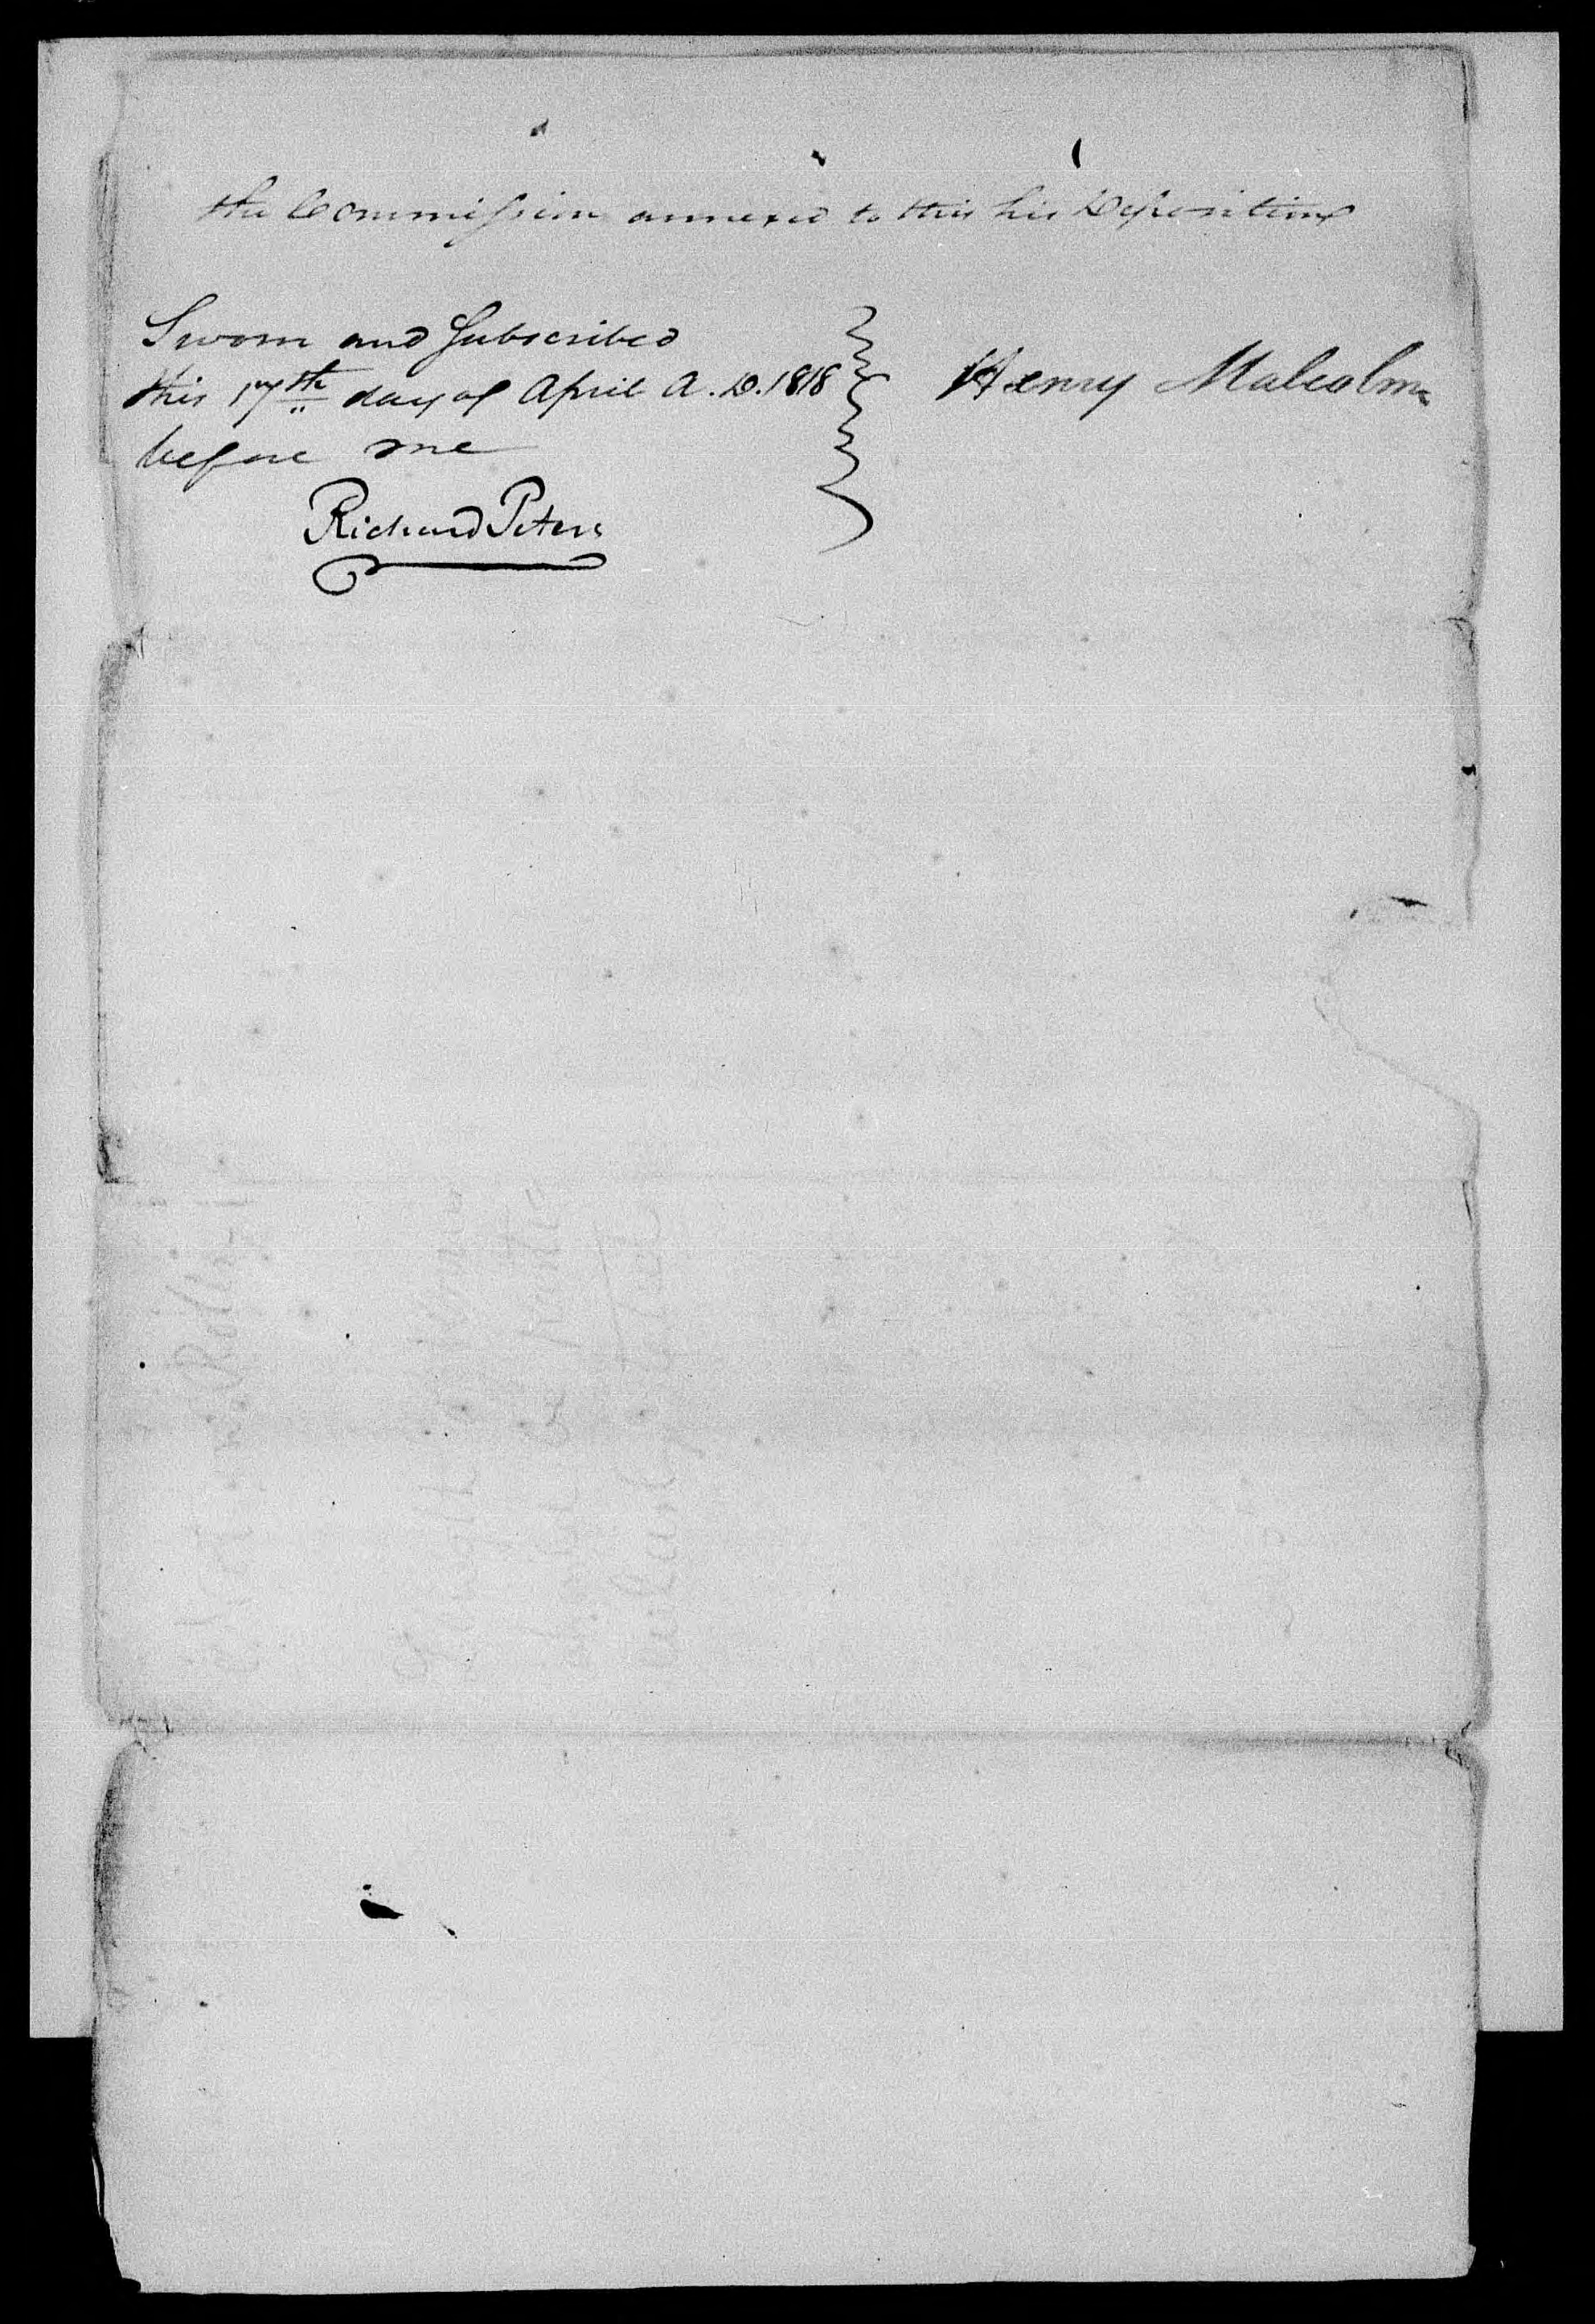commission annexed to this deposition.

Henry Malcolm

Sworn and subscribed this 17th day of April AD 1818 before me, Richard Peters.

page: 11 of 28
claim: survivor's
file: S. 5,048, for Henry Malcolm